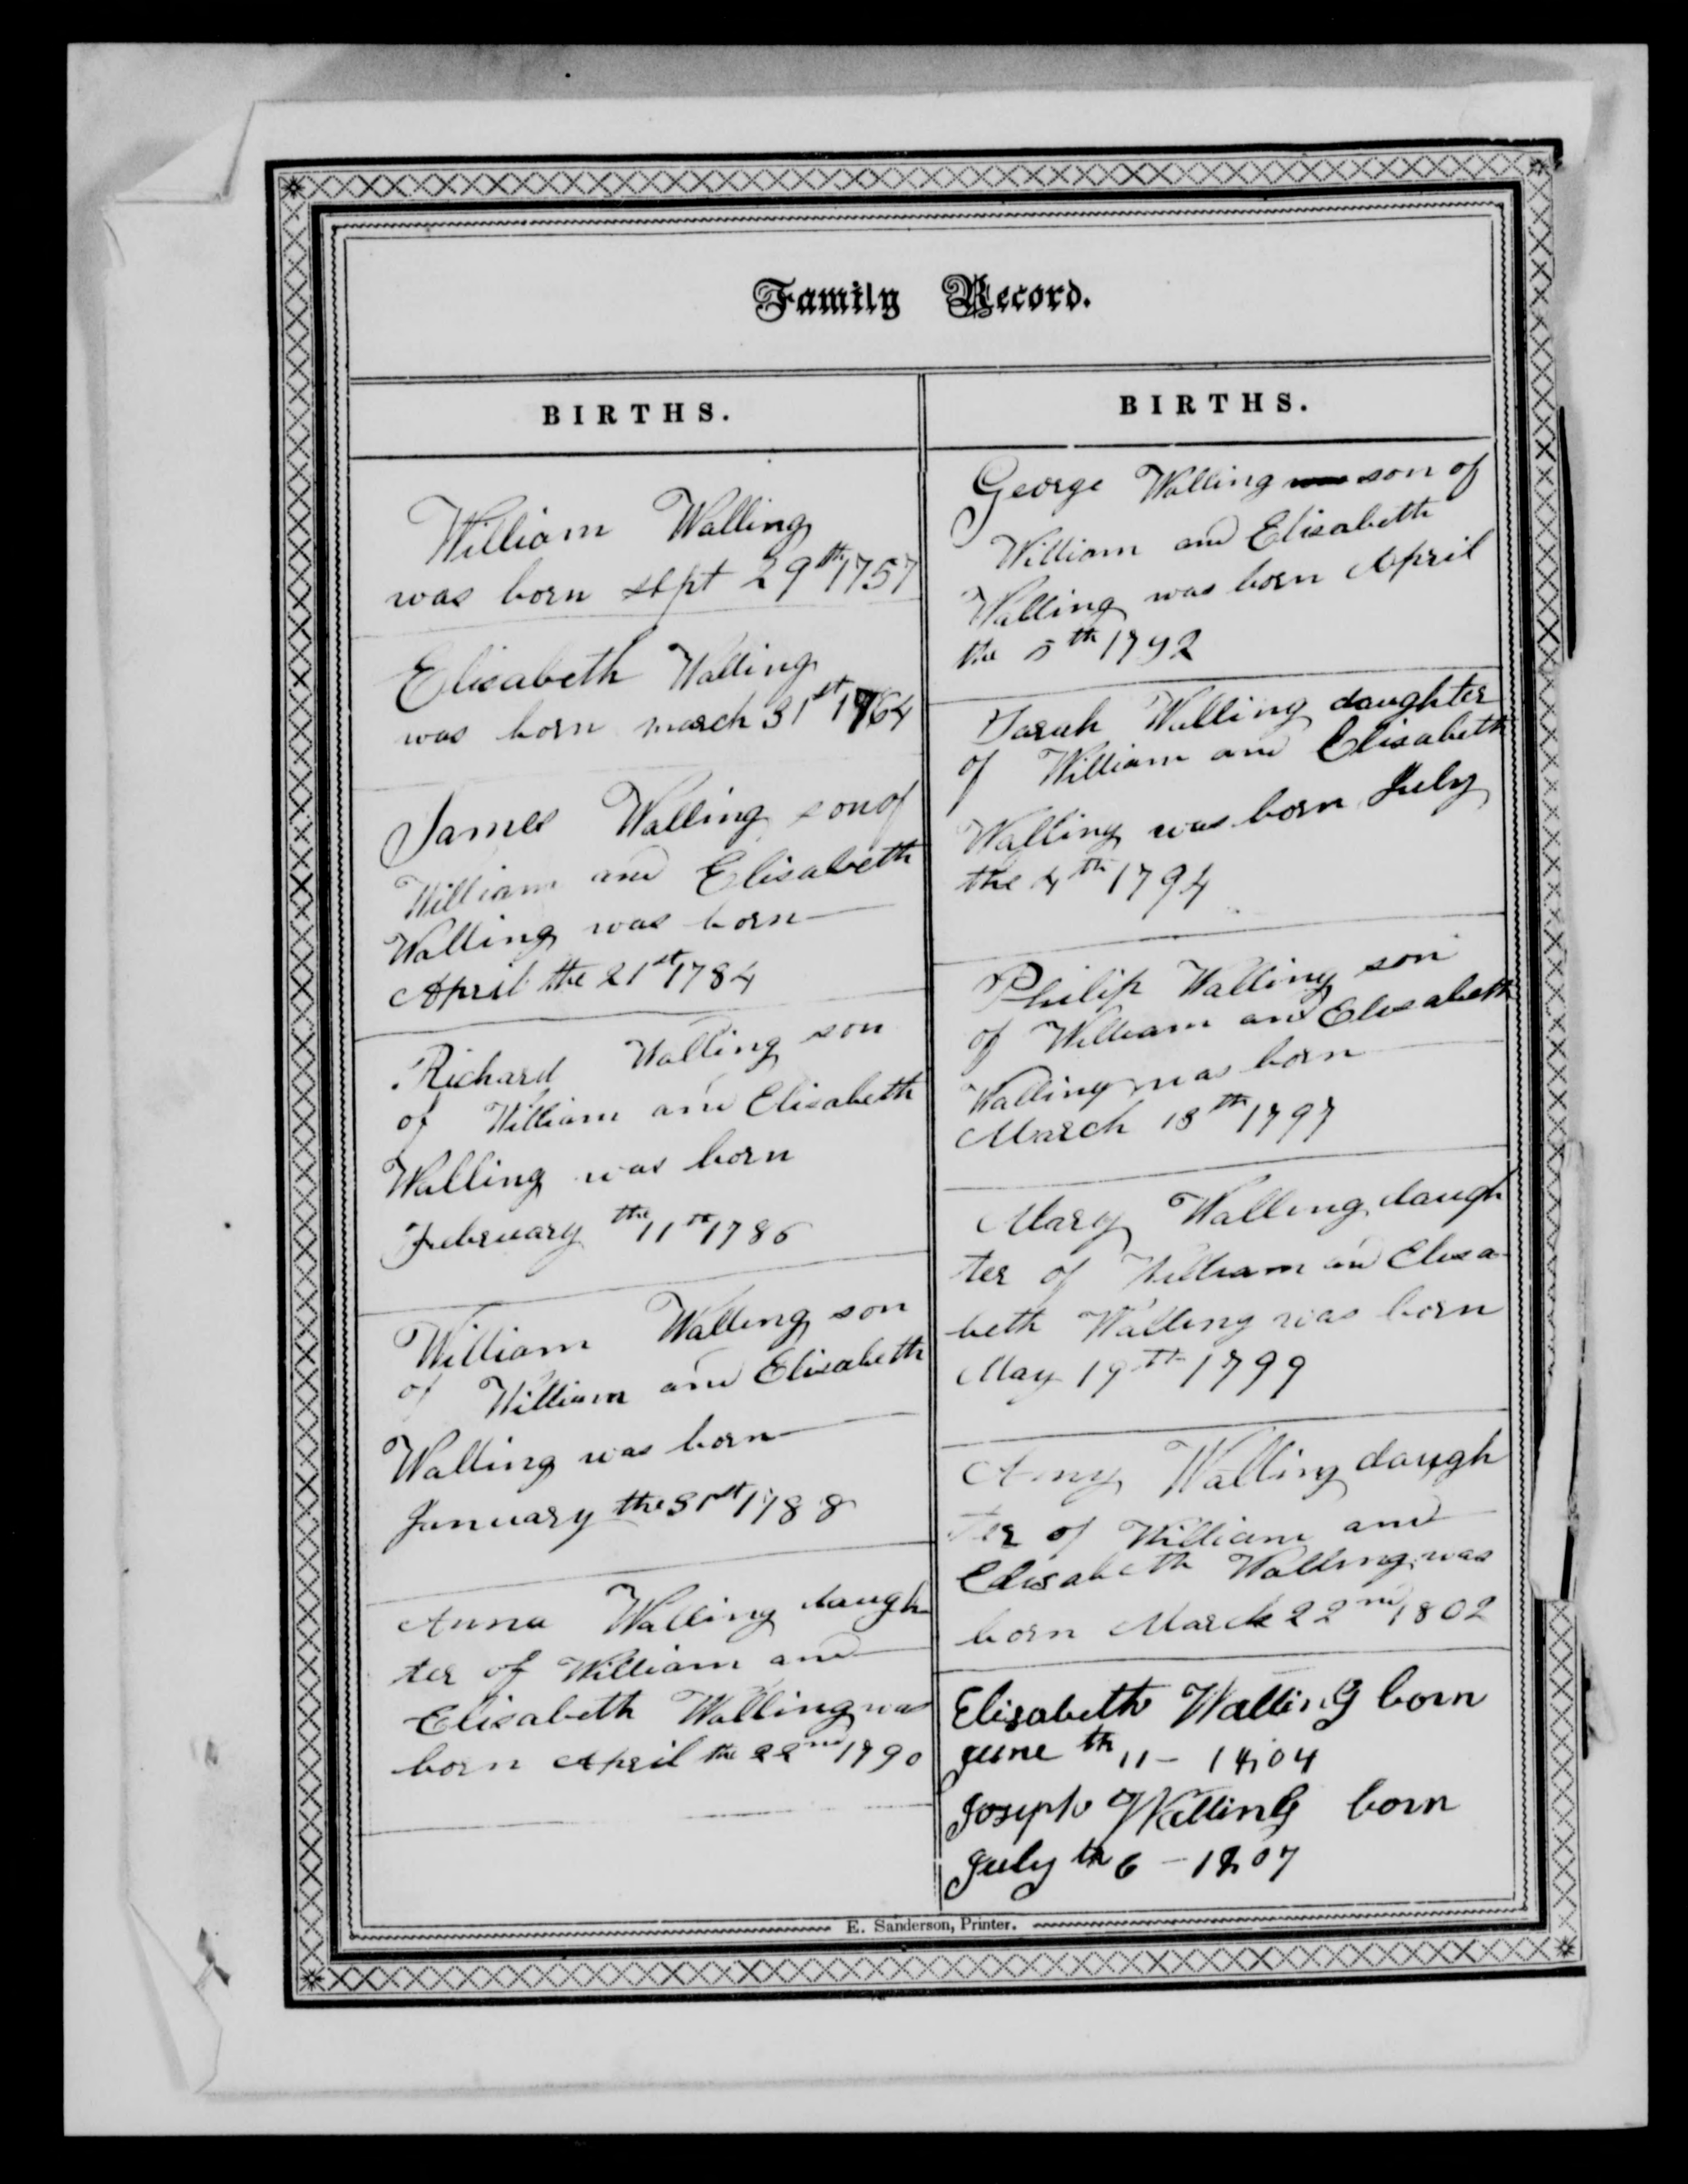Family Record
Births
William Walling was born Sept 29th 1757
Elisabeth Walling was born March 31st 1764
James Walling son of William and Elisabeth Walling was born April the 21st 1784
Richard Walling son of William and Elisabeth Walling was born February the 11th 1786
William Walling son of William and Elisabeth Walling was born January the 30th 1788
Anna Walling daughter of William and Elisabeth Walling was born April the 22nd 1790
George Walling son of William and Elisabeth Walling was born April the 5th 1792
Sarah Walling daughter of William and Elisabeth Walling was born July the 4th 1794
Philip Walling son of William and Elisabeth Walling was both March 13th 1797
Mary Walling daughter of William and Elisabeth Walling was born May 19th 1799
Amy Walling daughter of William and Elisabeth Walling was born March 22nd 1802
Elisabeth Walling born June the 11 1804
Joseph Walling born July the 6 1807
E. Sanderson, Printer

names: William Walling, William Walling, William Walling, Sarah Walling, Mary Walling, William Walling, Richard Walling, Elisabeth Walling, William Walling, Elisabeth Walling, Elisabeth Walling, George Walling, James Walling, Philip Walling, William Walling, Elisabeth Walling, William Walling, Elisabeth Walling, Elisabeth Walling, William Walling, William Walling, Joseph Walling, William Walling, Elisabeth Willing, Elisabeth Walling, Elisabeth Walling, Elisabeth Walling, Anna Walling, Arny Walling, Elisabeth Walling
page: 4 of 66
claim: widow's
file: W. 19588, William Walling, New Jersey